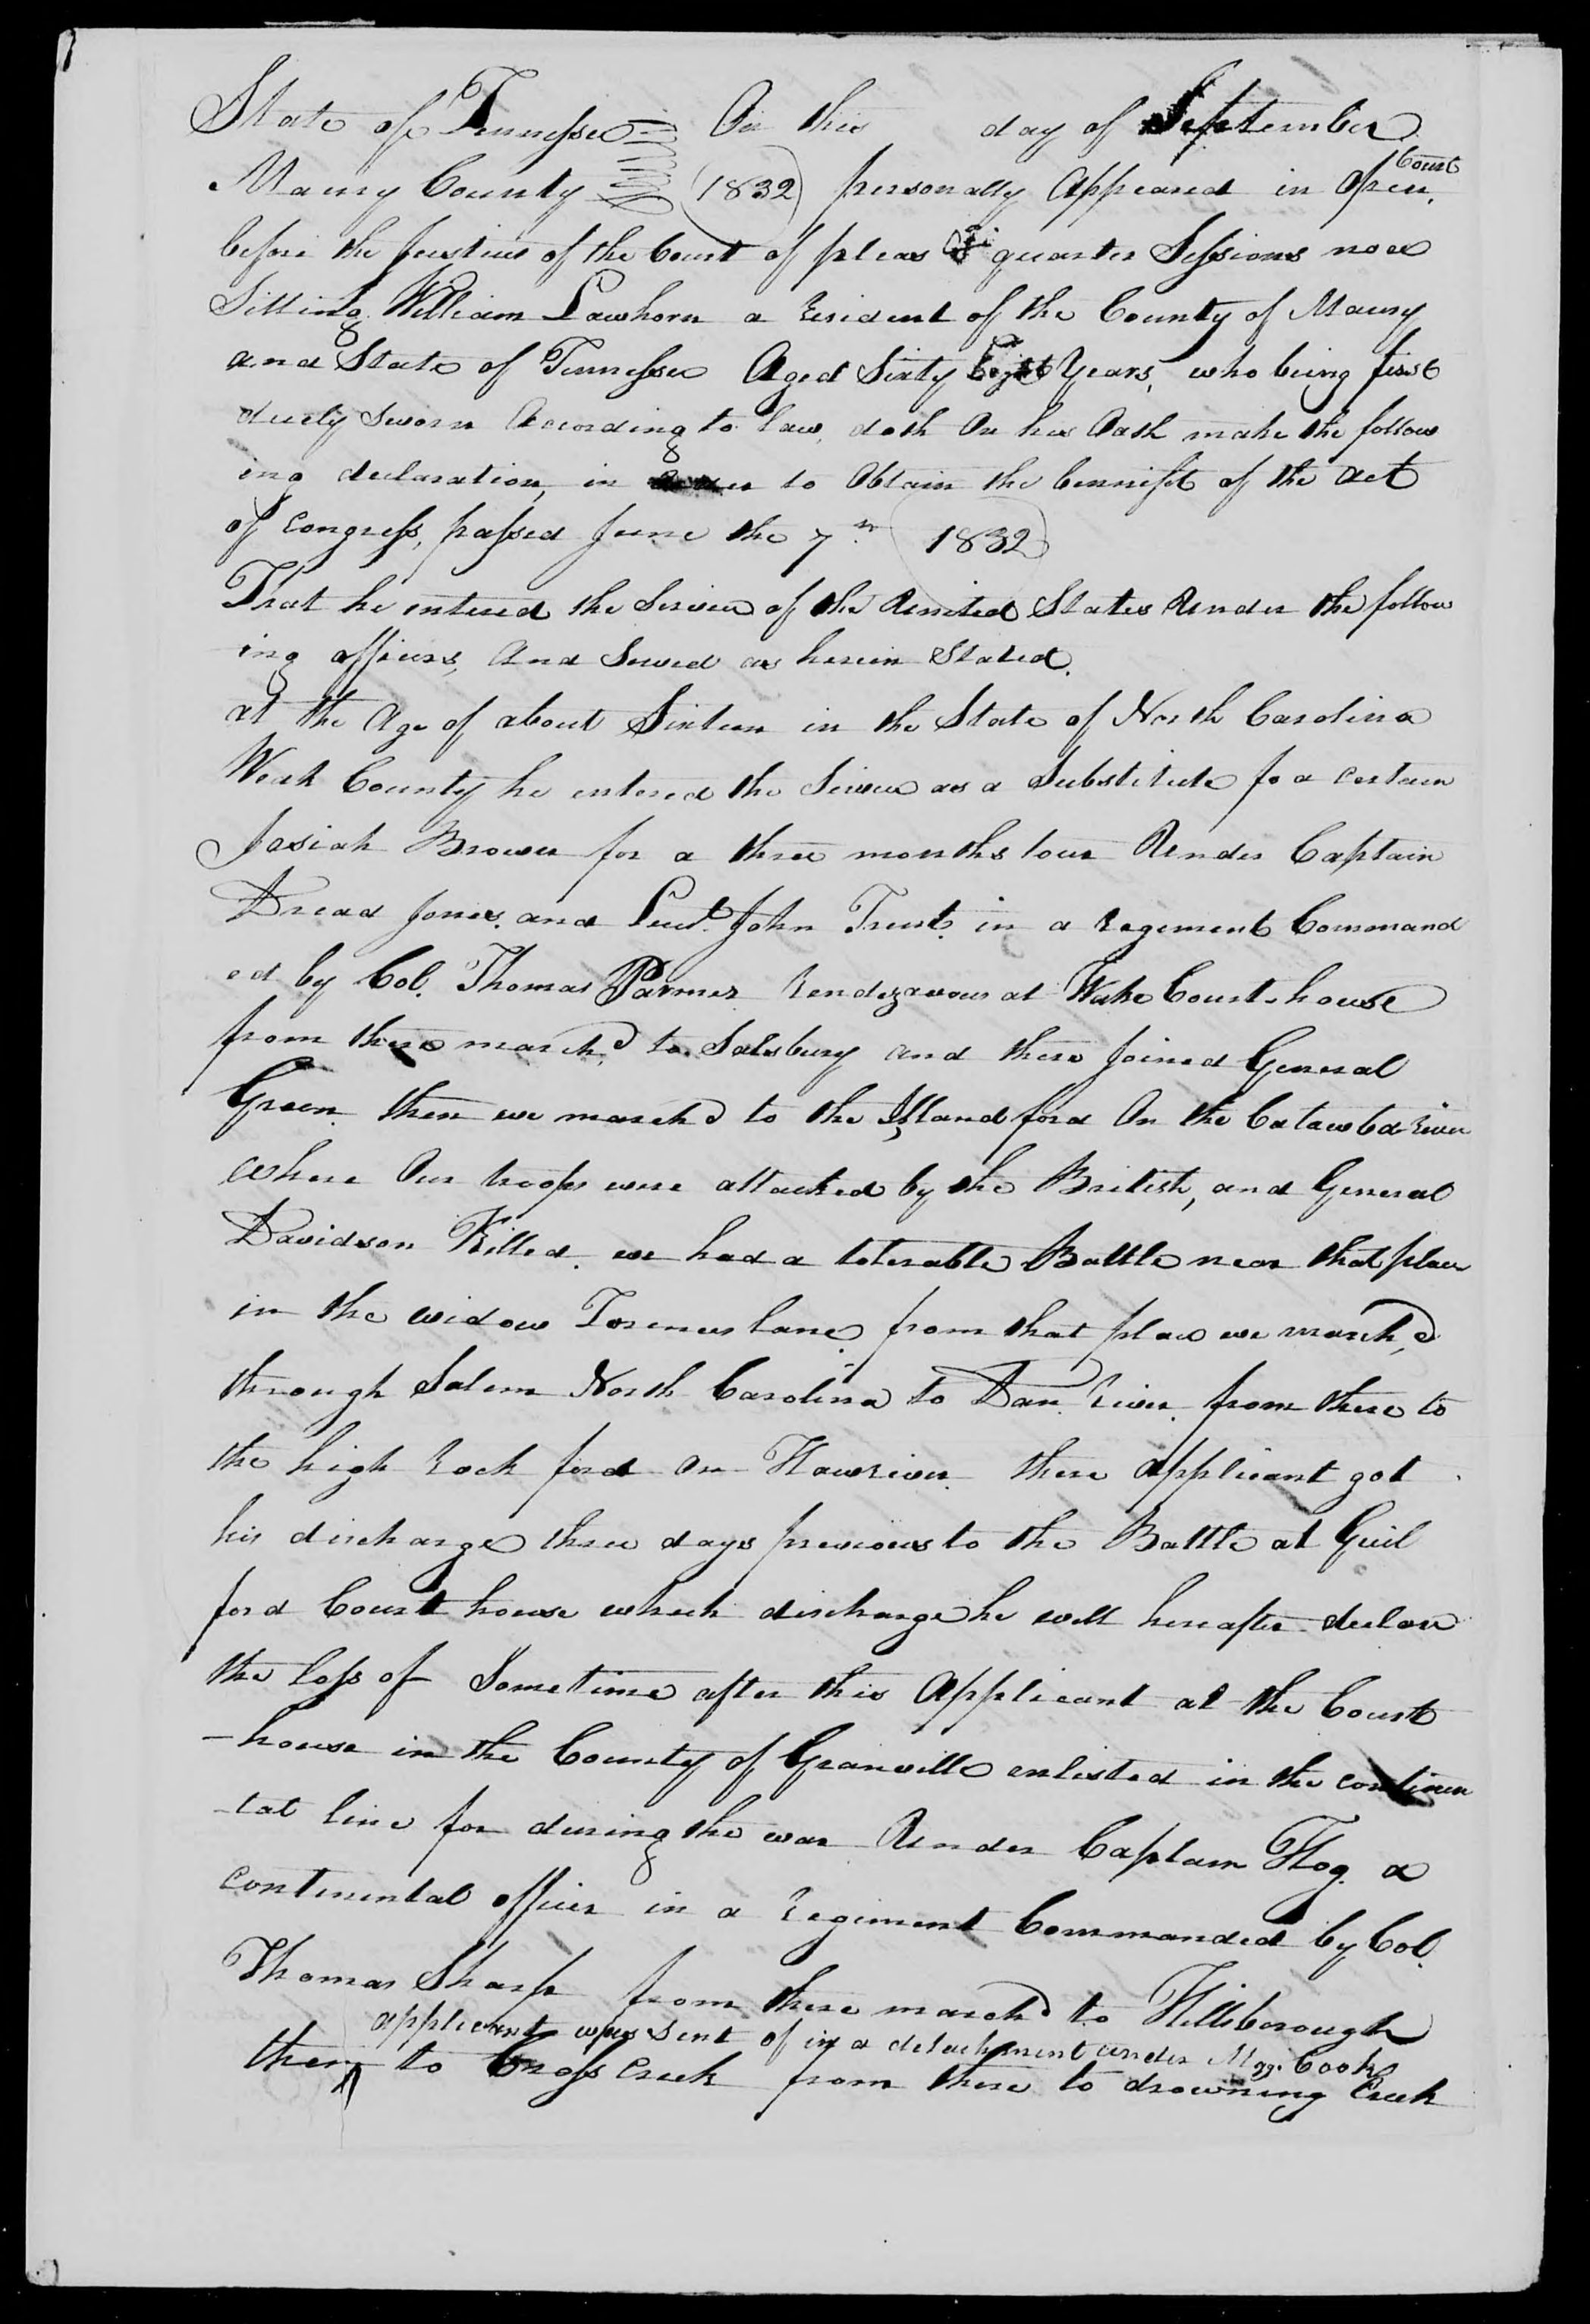State of Tennessee 
Maury County
On this __ day of September 1832 personally appeared in Open Court before the Justices of the Court of Pleas & quarter Sessions now sitting William Lawhorn a resident of the County of Maury and State of Tennessee Aged sixty-eight years, who being first duly sworn according to law doth on his oath make the following declaration in order to obtain the benefit of the Act of Congress passed June the 7th 1832. 
That he entered the Service of the United States under the following named officers, and 
served as herein stated. 
At the age of about 16 in the State of North Carolina Woak County he entered the Service as a Substitute for a certain Josiah Brown for a 3 months tour under Captain Dread Jones and Lieutenant John Trent in a Regiment commanded by Colonel Thomas Parmer -- rendezvoused at Wake Court house from thence marched to Salisbury and there joined General Green then we marched to the 
Island Ford on the Catawba River where our troops were attacked by the British, and General Davidson killed. We had a tolerable Battle near the place in the widow Torence lane from that place we marched through Salem North Carolina to Dan River from thence to the high rock Ford on Haw River, there applicant got his discharge days previous to the Battle of Guilford Court house which discharge he will hereafter declare the loss of.  Sometime after this Applicant at the Court house in the County of Granville enlisted in the Continental line for during the war under Captain Hog a Continental officer in the Regiment commanded by Colonel Thomas Sharp from thence marched to Hillsboro there applicant was sent off in a detachment under Maj. Cook Cross Creek from thence to Drowning Creek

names: Josiah Brown; Thomas Parmer; [BLANK] Davidson; John Treut; [BLANK] Green; [BLANK] Cook; [BLANK] Hog; William Lawhorn; Thomas Sharp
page: 6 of 16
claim: survivor's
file: S 4506, for William Lawhorn, North Carolina